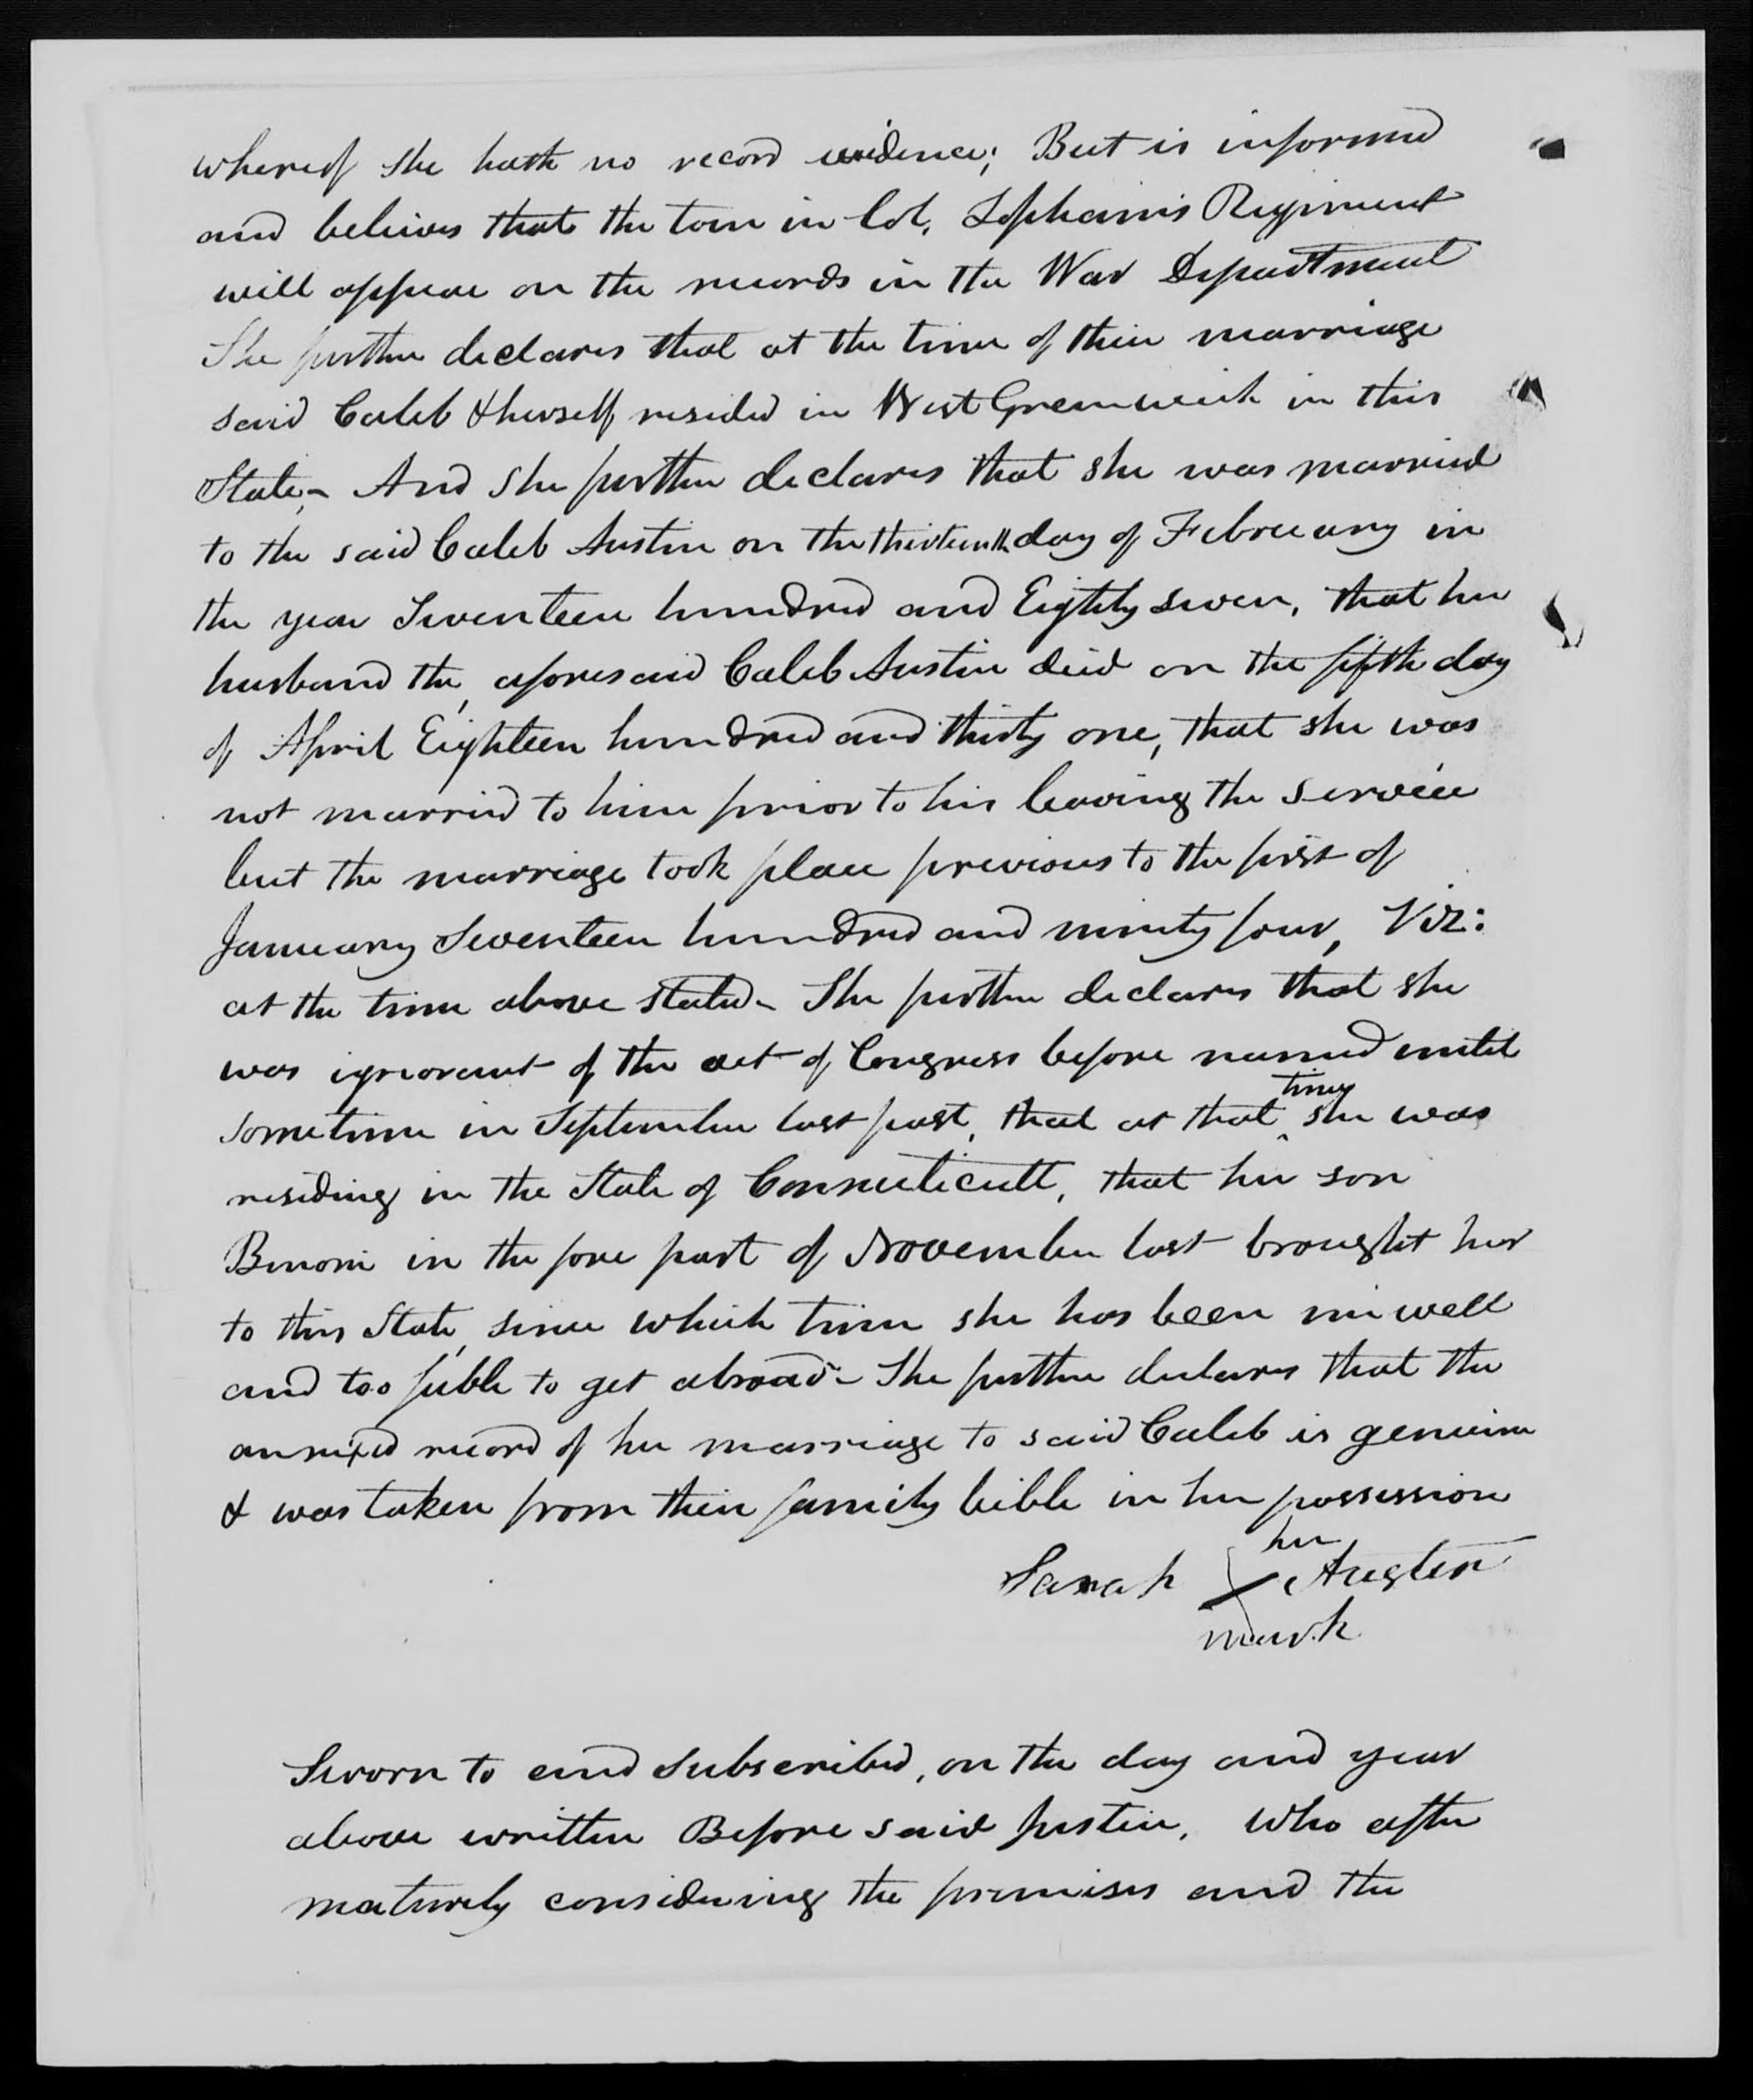whereof she hath no record evidence; but is informed and believes that the tour in Col. Topham's Regiment will appear on the records in the War Department
She further declares that at the time of their marriage said Caleb & herself resided in West Greenwich in this State-  And she further declares that she was married to the said Caleb Austin on the thirteenth day of February in the year Seventeen hundred and Eighty seven, that her husband, the aforesaid Caleb Austin died on the fifth day of April Eighteen hundred and thirty one, that she was not married to him prior to his leaving the service but the marriage took place previous to the first of January Seventeen hundred and ninety four, viz:  at the time above stated-  She further declares that she was ignorant of the act of Congress before named until some time in September last past, that at that ^time she was residing in the State of Connecticutt [Connecticut], that her son Benoni in the fore part of November last brought her to this State, since which time she has been unwell and too feeble to get abroad-  She further declares that the annexed record of her marriage to said Caleb is genuine & was taken from their family bible in her possession
her signature [hand drawn X] Sarah Austin
Sworn to and Subscribed, on the day and year above written  Before said Justice, who after maturely considering the premises and the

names: Sarah Austin, Caleb, Caleb Austin, Caleb, Caleb Austin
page: 6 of 18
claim: widow's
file: W. 20640, Caleb Austin, R.I.